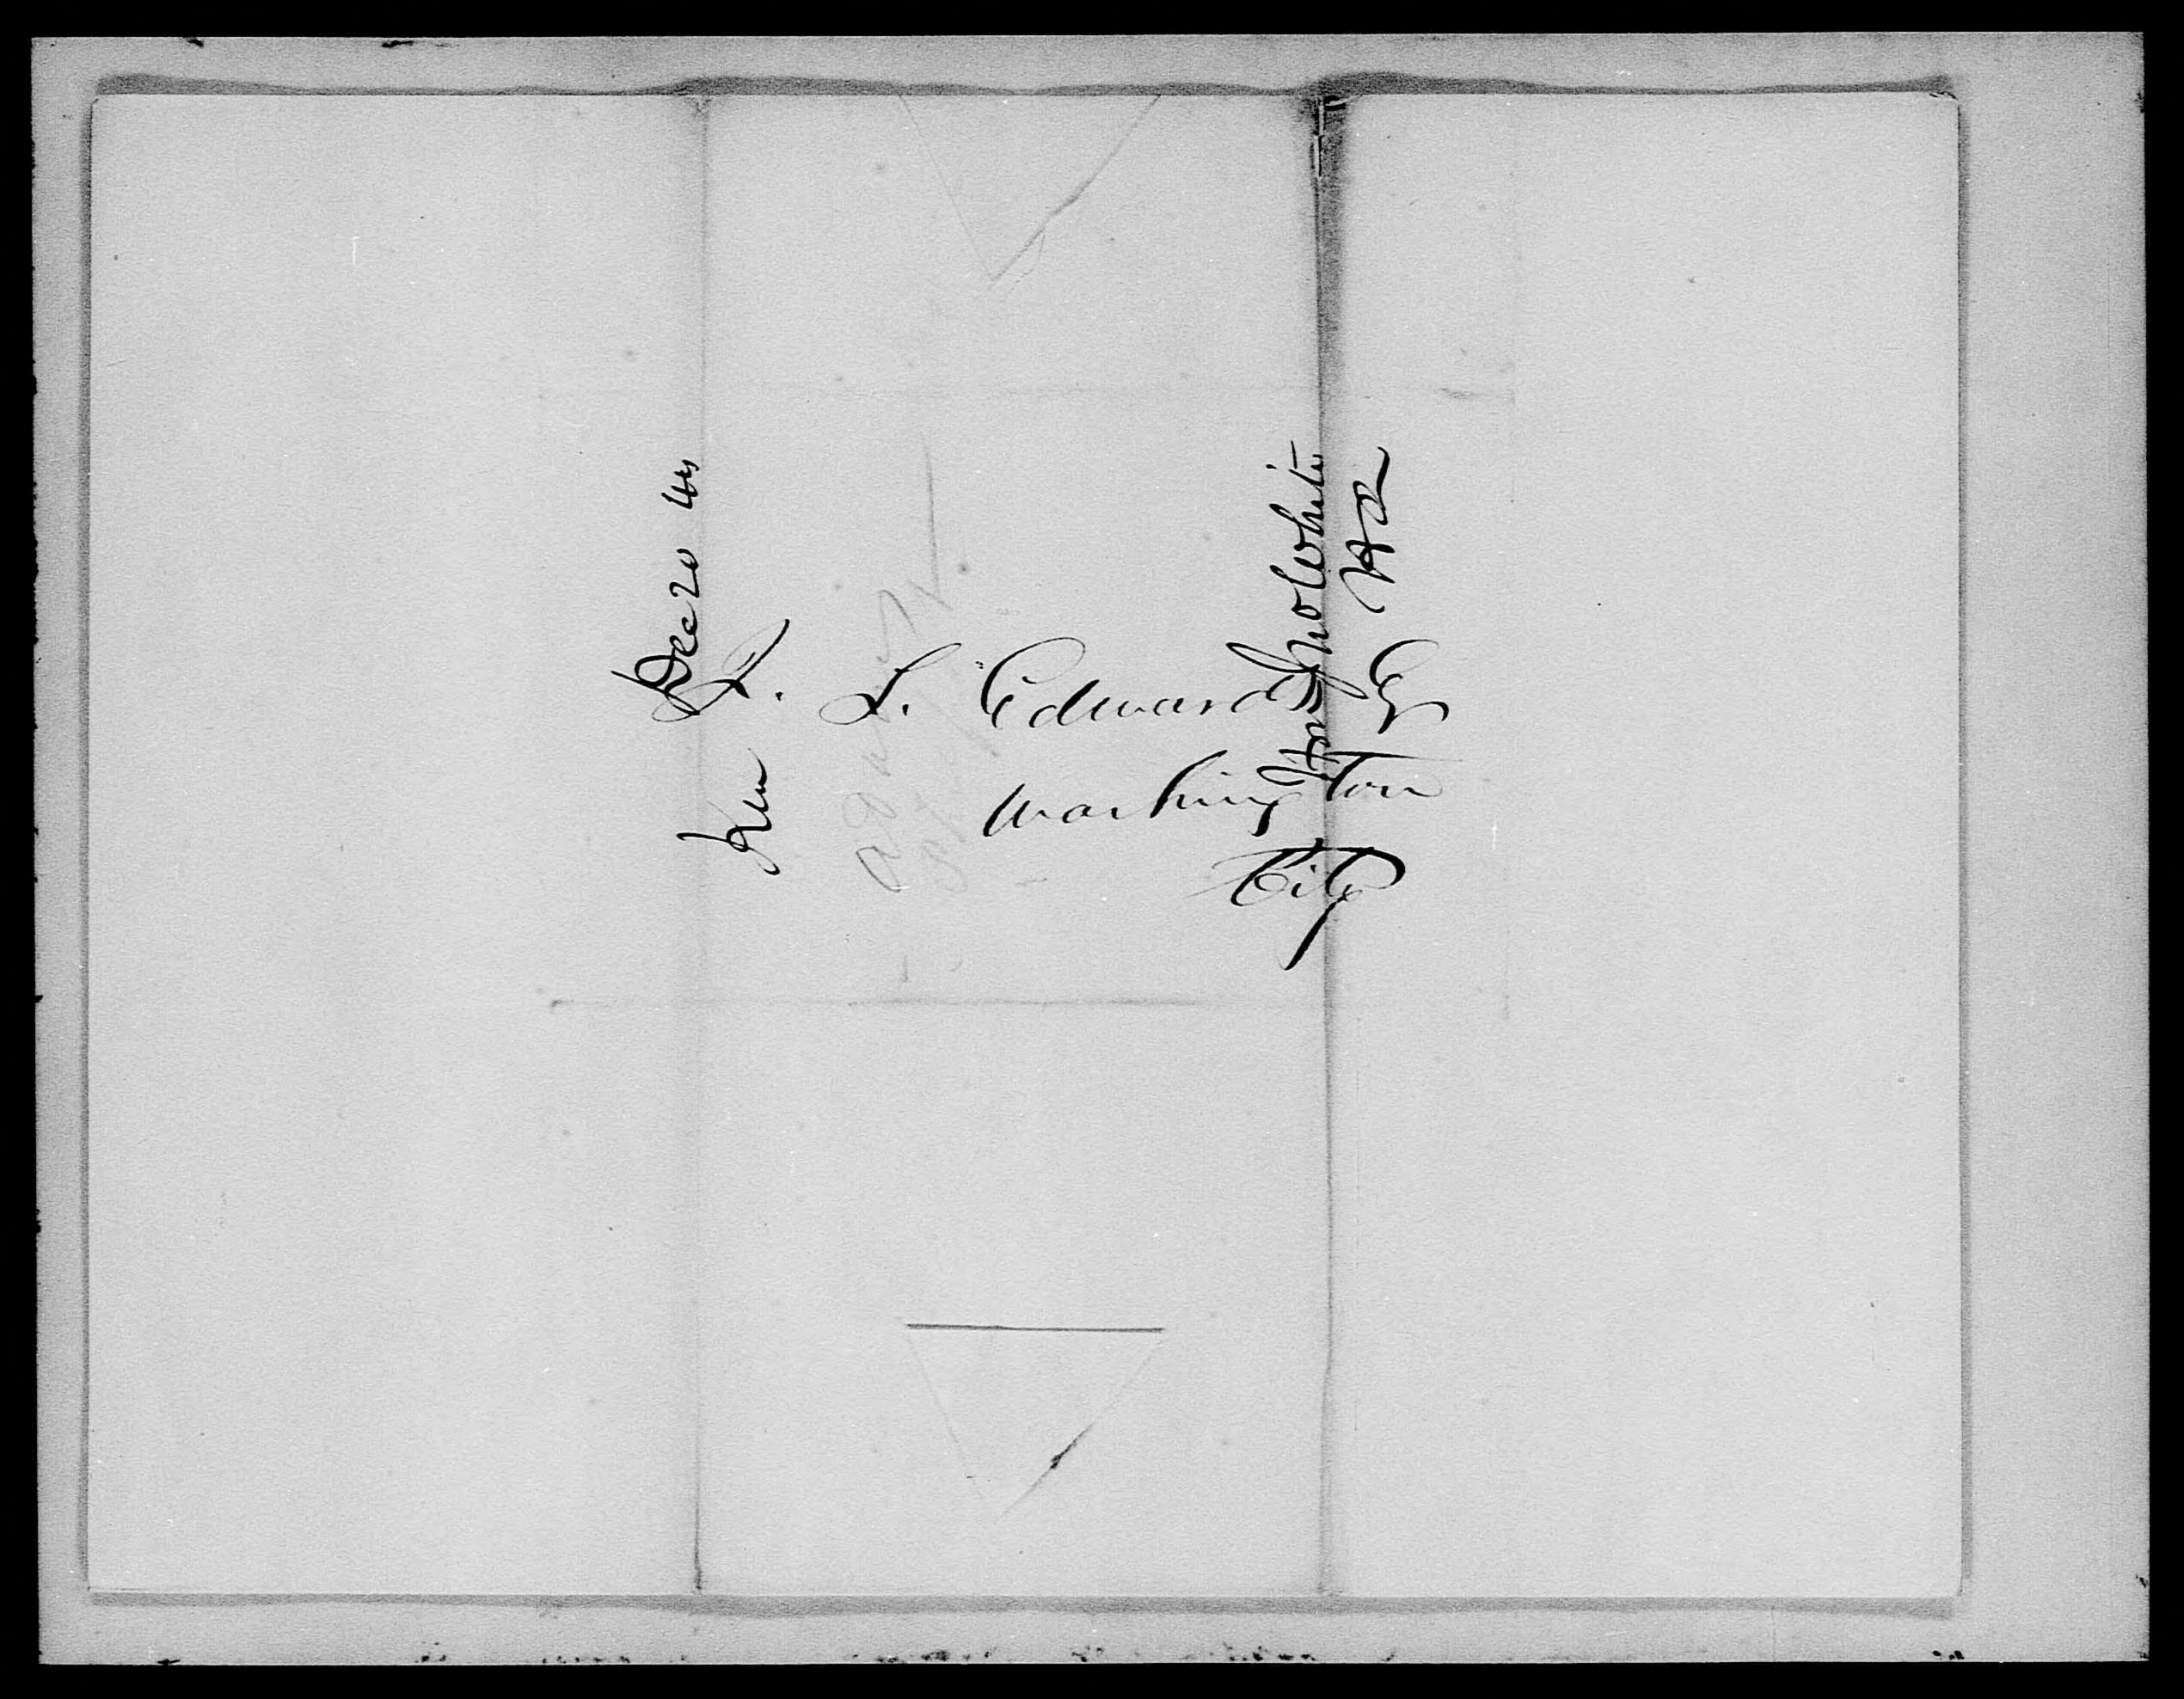JL Edwards Esqr
Washington City

Ken Dec 20 44
Jno White H of R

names: J L Edwards; Adams Philpot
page: 21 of 43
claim: rejected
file: R. 8217, for Thomas Philpot, South Carolina